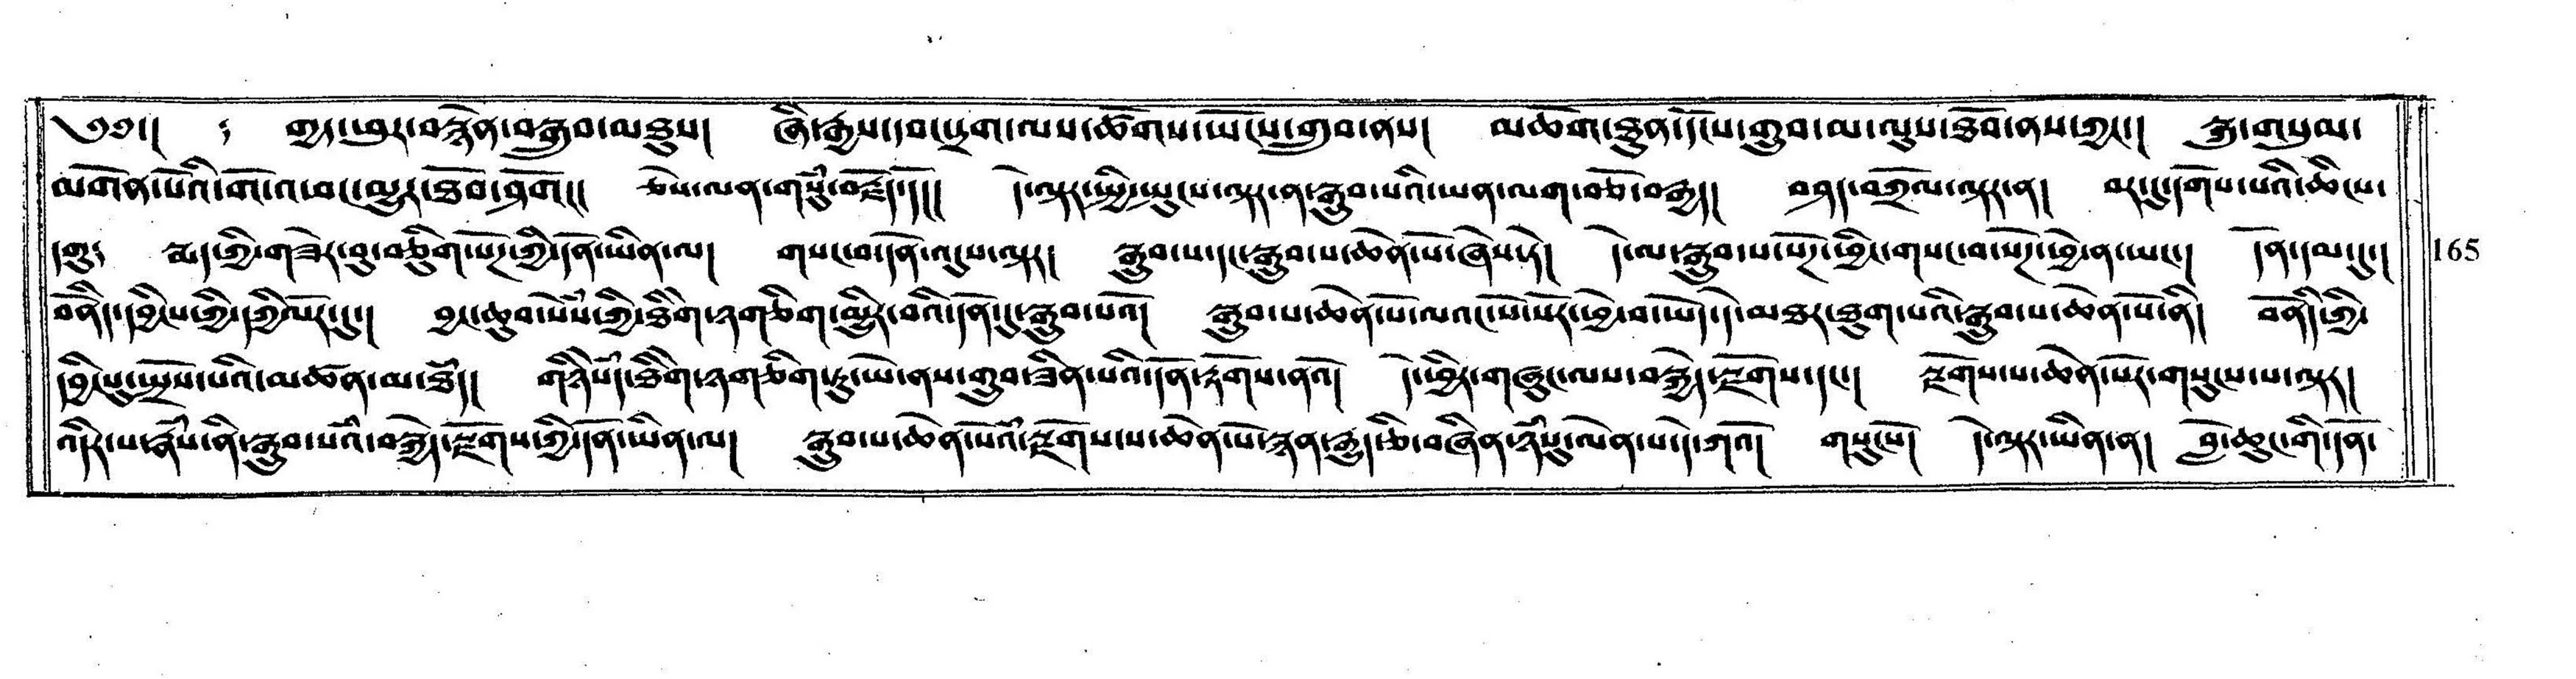གྱད་ཕུར་བསྙེན་བསྒྲུབ་མཐུས། ཞི་རྒྱས་དབང་དྲག་ལས་ཚོགས་ཡོངས་གྲུབ་ནས། མཆོག་ཐུན་དངོས་གྲུབ་མ་ལུས་ཐོབ་ནས་ཀྱང་། སྐུ་གསུམ་
མགོན་པོའི་གོ་འཕང་མྱུར་ཐོབ་ཤོག ཅེས་ལན་གསུམ་བརྗོད་དོ།། དེ་ལྟར་སྤྱི་སྤུངས་ལྟར་ན་སྒྲུབ་པའི་ཡན་ལག་བཅོ་བརྒྱད། བཤད་བཀྲོལ་ལྟར་ན། བར་དུ་དགོས་པའི་ཆིངས་
དགུ། སྨད་ཀྱི་གཟེར་བུ་བཅུ་གཅིག་སོགས་ཀྱི་དོན་ཡིན་ལ། གསང་བ་དོན་འདུས་ལྟར། སྒྲུབ་པ་དང་སྒྲུབ་པ་ཆེན་པོ་ཞེས་ཏེ། དེ་ལ་སྒྲུབ་པ་སོགས་ཕྱི་ནང་གསང་བ་སོགས་ཕྱེ་ན་ཡང་། དོན་དམ་དུ། 
བོན་ཉིད་དབྱིངས་ཀྱི་དཀྱིལ་འཁོར་དུ། བྱང་ཆུབ་སེམས་ཀྱི་ཐིག་ལེ་ཉག་གཅིག་མི་འགྱུར་བའི་དོན་དུ་སྒྲུབ་པའོ། སྒྲུབ་པ་ཆེན་པོ་ལའང་སོ་སོར་ཕྱེ་བ་ཡོད་དེ་མཐར་ཐུག་པའི་སྒྲུབ་པ་ཆེན་པོ་ནི། བོན་ཉིད་ཀྱི་
དབྱིངས་སུ་སྤྲོས་པའི་མཚན་མ་ཐམས་ཅད། གཉིས་མེད་ཐིག་ལེ་ཉག་གཅིག་ཏུ་ཡེ་ནས་གྲུབ་ཟིན་པའི་དོན་རྟོགས་ནའོ། དེ་ཕྱིར་གཞུང་ལས་བསྐྱེད་རྫོགས་དང་། རྫོགས་པ་ཆེན་པོར་གསུངས་པ་ལྟར། 
འདིར་༼༽པ་རྣམས་ནི་སྒྲུབ་པའམ་བསྐྱེད་རྫོགས་ཀྱི་དོན་ཡིན་ལ། སྒྲུབ་པ་ཆེན་པོའམ་རྫོགས་པ་ཆེན་པོ་སྙན་རྒྱུད་ཅི་བཞིན་ཉམས་སུ་ལེན་པ་དེ་ཀའོ། གསུངས་སོ། དེ་ལྟར་ཡིན་ན། བློ་ཆུང་གི་དོན་